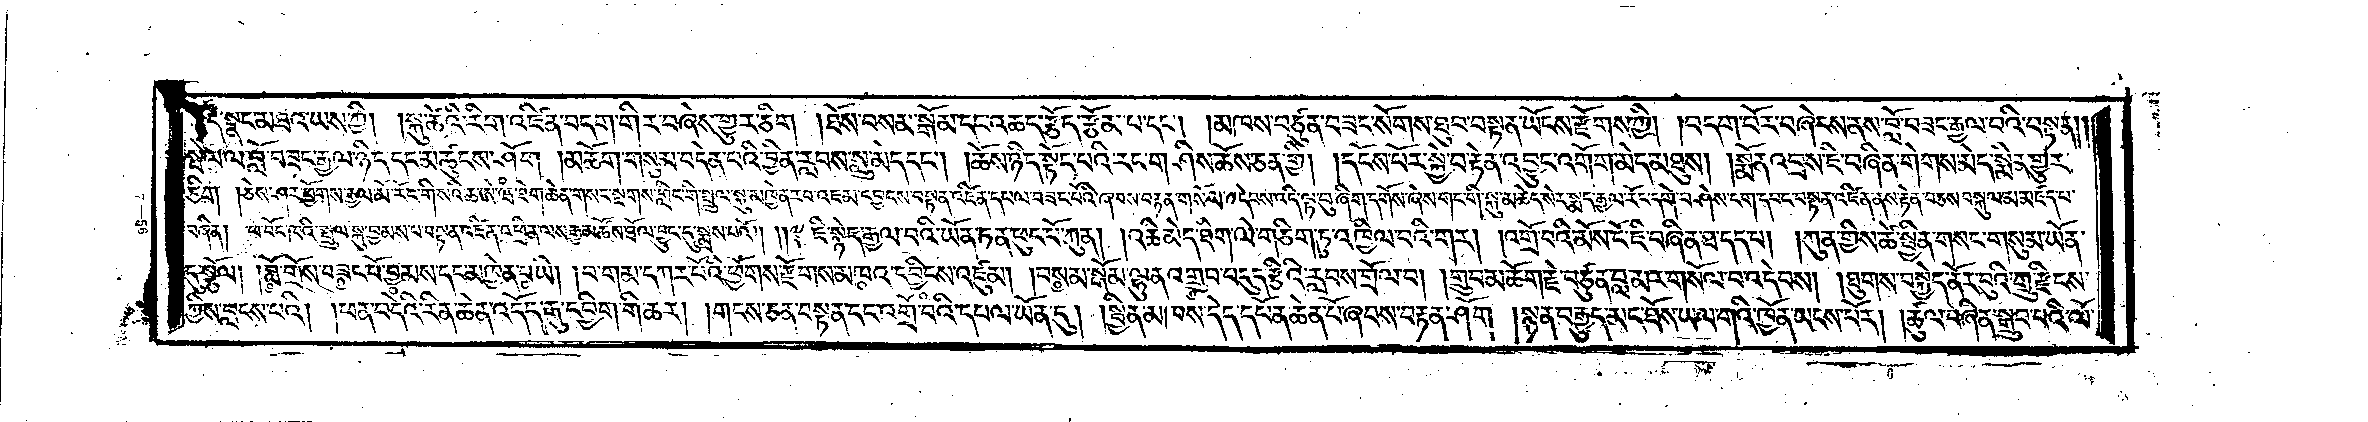འོད་སྣང་མཐའ་ལས་ཀྱི། །སྐུ་ཚེའི་རིག་འཛིན་བདག་གིར་བཞེས་གྱུར་ཅིག །ཐོས་བསམ་སྒོམ་དང་འཆད་རྩོད་རྩོམ་པ་དང་། །མཁས་བཙུན་བཟང་སོགས་ཐུབ་བསྟན་ཡོངས་རྫོགས་ཀྱི། །བདག་པོར་བཞེངས་ནས་བློ་བཟང་རྒྱལ་བའི་བསྟན།།
སྲེལ་ལ་བློ་བཟང་རྒྱལ་ཉིད་དང་མཚུངས་ཤོག །མཆོག་གསུམ་བདེན་པའི་བྱིན་རླབས་སླུ་མེད་དང་། །ཆོས་ཉིད་སྟོང་པའི་རང་གཤིས་ཆོས་ཅན་གྱི། །དངོས་པོར་སྐྱེ་བ་རྟེན་འབྱུང་འགོག་མེད་མཐུས། །སྨོན་འབྲས་ཇི་བཞིན་གེགས་མེད་སྨིན་གྱུར་
ཅིག །ཅེས་ཤར་ཕྱོགས་རྒྱལ་མོ་རོང་གི་སའི་ཆ་ཨེ་ཝཾ་ཐེག་ཆེན་གསང་སྔགས་གླིང་གི་སྤྲུལ་སྐུ་མཁྱེན་རབ་འཇམ་དབྱངས་བསྟན་འཛིན་དཔལ་བཟང་པོའི་ཞབས་བརྟན་གསོལ་འདེབས་འདི་ལྟ་བུ་ཞིག་དགོས་ཞེས་གང་གི་སྐུ་མཆེད་སེར་སྨད་རྒྱལ་རོང་དགེ་བ་ཤེས་ངག་དབང་བསྟན་འཛིན་ནས་རྟེན་བཅས་བསྐུལ་མ་མཛད་པ་
བཞིན། ཕ་བོང་ཁའི་སྤྲུལ་སྐུ་བྱམས་པ་བསྟན་འཛིན་འཕྲིན་ལས་རྒྱ་མཚོས་ཐོལ་བྱུང་དུ་སྨྲས་བའོ།། །། ༈ ཇི་སྙེད་རྒྱལ་བའི་ཡོན་ཏན་ཕུང་པོ་ཀུན། །འཆི་མེད་ཐིག་ལེ་གཅིག་ཏུ་འཁྱིལ་བའི་གར། །འགྲོ་བའི་མོས་ངོ་ཇི་བཞིན་ཐ་དད་པ། །ཀུན་གྱིས་ཚེ་སྦྱིན་གསང་གསུམ་ཡོན་
དུ་སྩོལ། །བྲོ་གྲོས་བཟང་པོ་བྱམས་དང་མཁྱེན་པ་ཡི། །བ་གམ་དཀར་པོའི་ཕྱོགས་རྫོགས་མཁའ་དབྱིངས་འཛུམ། །བསམ་སྒོམ་ལྷུན་འགྲུབ་བདུད་རྩིའི་རླབས་གྲོལ་བ། །གྲུབ་མཆོག་རྗེ་བཙུན་བླ་མར་གསོལ་བ་འདེབས། །ཐུགས་བསྐྱེད་ནོར་བུའི་གྲུ་རྫིངས་
ཀྱིས་བླངས་པའི། །ཕན་བདེའི་རིན་ཆེན་འདོད་རྒུ་དབྱིག་གི་ཆར། །གངས་ཅན་བསྟན་དང་འགྲོ་བའི་དཔལ་མོན་དུ། །སྦྱིན་མཁས་དེད་དཔོན་ཆེན་པོ་ཞབས་བརྟན་ཤོག །སྙན་བརྒྱུད་མང་ཐོས་ཡལ་གའི་ཁྱོན་ཡངས་པོར། །ཚུལ་བཞིན་སྒྲུབ་པའི་ལོ་